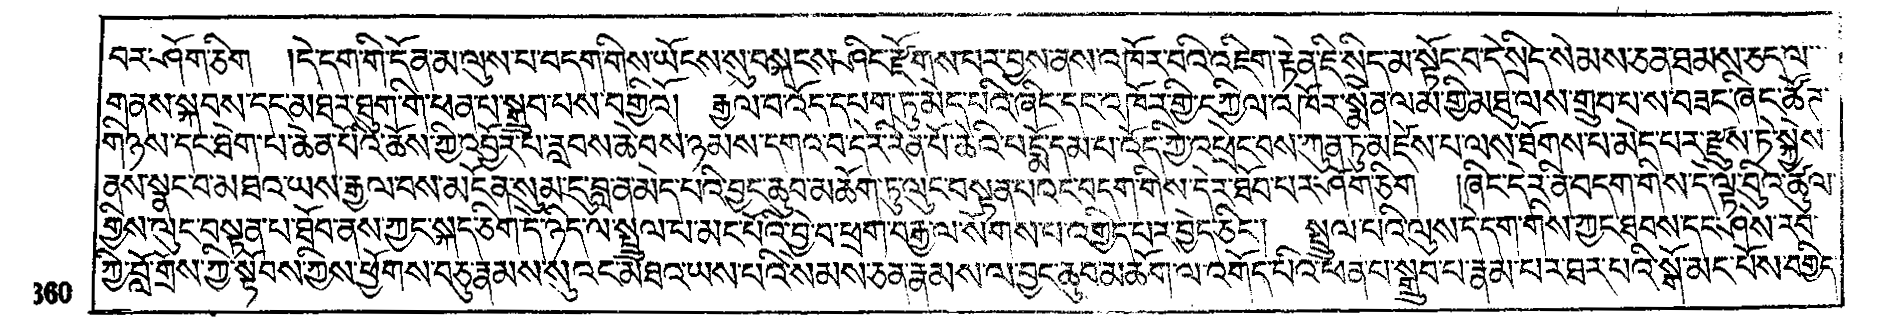བར་ཤོག་ཅིག །དེ་དག་གི་དོན་མ་ལུས་པ་བདག་གིས་ཡོངས་སུ་བསྐངས་ཤིང་རྫོགས་པར་བྱས་ནས་འཁོར་བའི་འཇིག་རྟེན་ཇི་སྲིད་མ་སྟོང་བདེ་སྲིད་སེམས་ཅན་ཐམས་ཅད་ལ་
གནས་སྐབས་དང་མཐར་ཐུག་གི་ཕན་པ་སྒྲུབ་པས་བགྱིའོ། རྒྱལ་བ་འོད་དཔག་ཏུ་མེད་པའི་ཞིང་དང་འཁོར་གྱི་དཀྱིལ་འཁོར་སྨོན་ལམ་གྱི་མཐུ་ལས་གྲུབ་པ་ས་བཟང་ཞིང་ཚོགས་
གཉིས་དང་ཐེག་པ་ཆེན་པོའི་ཆོས་ཀྱི་འབྱོར་པ་རླབས་ཆེ་བས་ཉམས་དགའ་བ་དེར་རིན་པོ་ཆེའི་པདམོ་དམ་པ་འོད་ཀྱི་འཕྲེང་བས་ཀུན་ཏུ་མཛེས་པ་ལས་ཐོགས་པ་མེད་པར་རྫུས་ཏེ་སྐྱེས་
ནས་སྣང་བ་མཐའ་ཡས་རྒྱལ་བས་མངོན་སུམ་དུ་བླ་ན་མེད་པའི་བྱང་ཆུབ་མཆོག་ཏུ་ལུང་བསྟན་པའང་བདག་གིས་དེར་ཐོབ་པར་ཤོག་ཅིག །ཞིང་དེར་ནི་བདག་གིས་དེ་ལྟ་བུའི་ཚུལ་
གྱིས་ལུང་བསྟན་པ་ཐོབ་ནས་ཀྱང་སྐད་ཅིག་དེ་ཉིད་ལ་སྤྲུལ་པ་མང་པོའི་བྱེ་བ་ཕྲག་བརྒྱ་ལ་སོགས་པ་འགྱིད་པར་བྱེད་ཅིང་། སྤྲུལ་པའི་ལུས་དེ་དག་གིས་ཀྱང་ཐབས་དང་ཤེས་རབ་
ཀྱི་བློ་གྲོས་ཀྱི་སྟོབས་ཀྱིས་ཕྱོགས་བཅུ་རྣམས་སུའང་མཐའ་ཡས་པའི་སེམས་ཅན་རྣམས་ལ་བྱང་ཆུབ་མཆོག་ལ་འགོད་པའི་ཕན་པ་སྒྲུབ་པ་རྣམ་པར་ཐར་པའི་སྒོ་མང་པོས་བགྱིད་